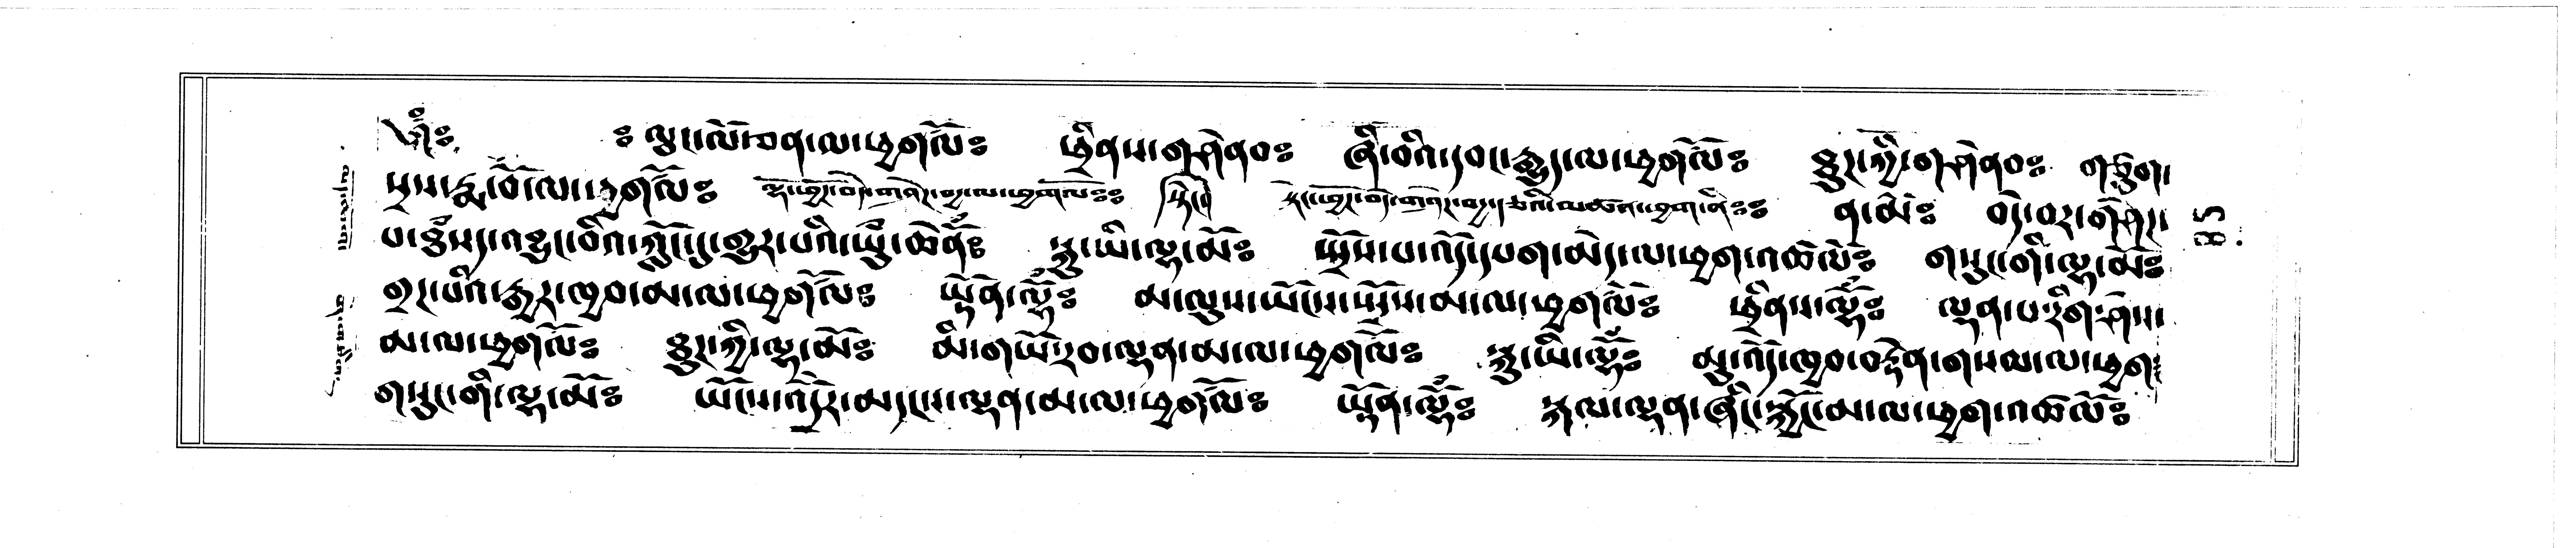ལྕང་ལོ་ཅན་ལ་ཕྱག་འཚལ་ལོཿ ཕྲིན་ལས་ཀྱི་གཤེན་རབཿ ཞི་བའི་དབང་རྒྱུད་ལ་ཕྱག་འཚལ་ལོཿ ཐུགས་ཀྱི་གཤེན་རབཿ གཙུག་
སྲས་རྨ་བོ་ལ་ཕྱག་འཚལ་ལོཿ ལྷོ་ཕྱོགས་བདེར་གཤེགས་བརྒྱ་ལ་ཕྱག་འཚལ་བའོཿ ༼སྟེང་༽སྟེང་ཕྱོགས་བདེར་གཤེགས་བརྒྱ་རྩའི་མཚན་ཕྱག་ནིཿ ན་མོ་བདེ་བར་གཤེགས་
པ་ཐམས་ཅད་འབྱུང་བའི་ཀློང་དུ་གྱུར་པའི་ཡུམ་ཆེན་མོཿ སྐུ་ཡི་ལྷ་མོཿ སྤྲོས་པ་འོད་དཔག་མེད་ལ་ཕྱག་འཚལ་ལོཿ གསུང་གི་ལྷ་མོཿ 
གྲགས་པའི་རྒྱར་ཁྱབ་མ་ལ་ཕྱག་འཚལ་ལོཿ ཡོན་ཏན་གྱི་ལྷ་མོཿ མ་ལུས་ཡོངས་སྤྲོས་མ་ལ་ཕྱག་འཚལ་ལོཿ ཕྲིན་ལས་ཀྱི་ལྷ་མོཿ ལྡན་པ་རིག་ཤེས་
མ་ལ་ཕྱག་འཚལ་ལོཿ ཐུགས་ཀྱི་ལྷ་མོཿ མི་གཡོ་རབ་ལྡན་མ་ལ་ཕྱག་འཚལ་ལོཿ སྐུ་ཡི་ལྷ་མོཿ མུ་འོད་ཁྱབ་བརྟེན་གསལ་ལ་ཕྱག་འཚལ་ལོཿ 
གསུང་གི་ལྷ་མོཿ ཡོངས་འོད་ཟེར་མདངས་ལྡན་མ་ལ་ཕྱག་འཚལ་ལོཿ ཡོན་ཏན་གྱི་ལྷ་མོཿ སྐལ་ལྡན་ཞིང་སྐྱོང་མ་ལ་ཕྱག་འཚལ་ལོཿ